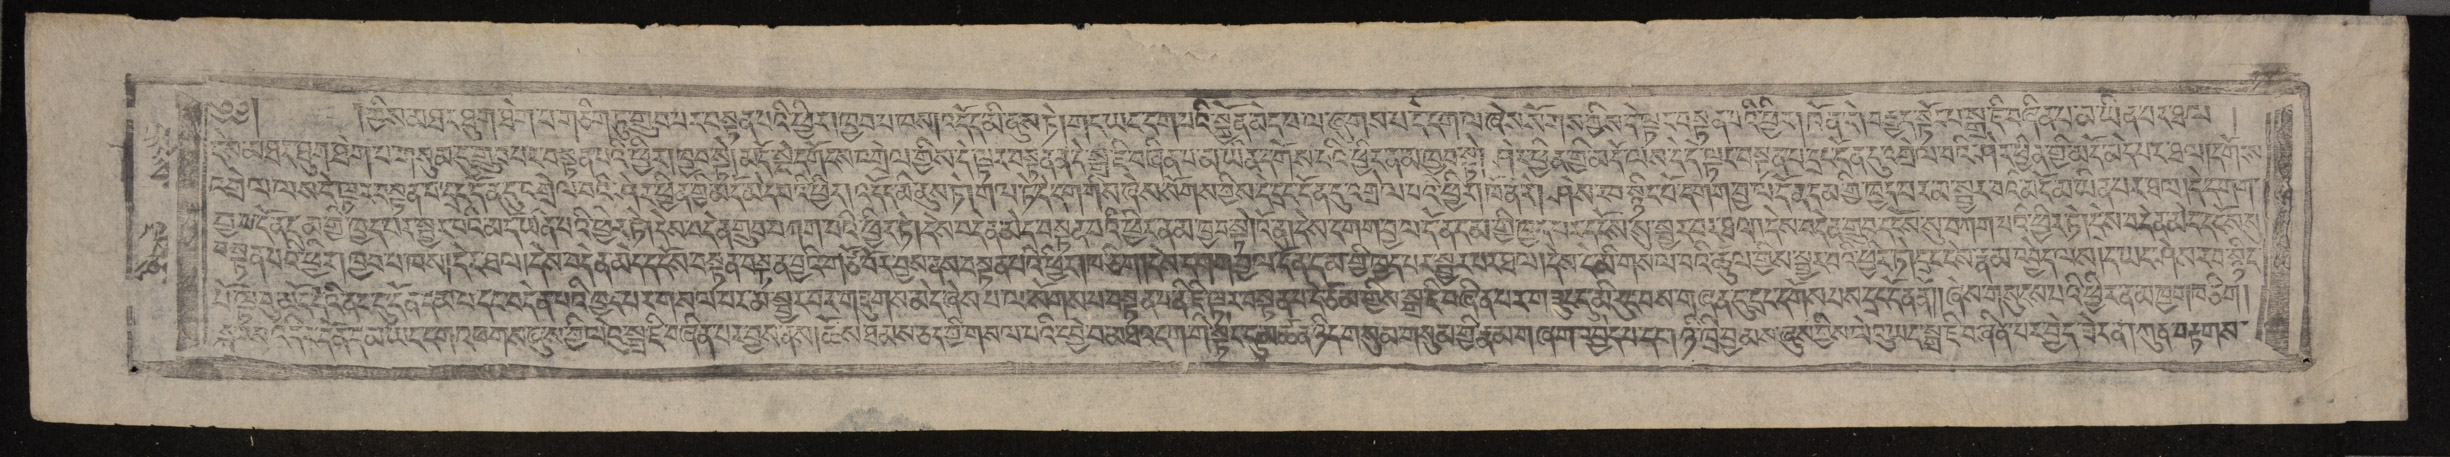༄༅། །ཀྱིས་མཐར་ཐུག་ཐེག་པ་གཅིག་ཏུ་གྲུབ་པར་བསྟན་པའི་ཕྱིར། ཁྱབ་པ་ཁས། འདོད་མི་ནུས་ཏེ། གང་ཡང་དག་པའི་སྐྱོན་མེད་པ་ལ་ཞུགས་པ་དེ་དག་ལ་ཞེས་སོགས་ཀྱིས་དེ་ལྟར་བསྟན་པའི་ཕྱིར། ཁོ་ན་རེ། བརྒྱད་སྟོང་པ་སྒྲ་ཇི་བཞིན་པ་མ་ཡིན་པར་ཐལ།
དེས་མཐར་ཐུག་ཐེག་པ་གསུམ་དུ་གྲུབ་པར་བསྟན་པའི་ཕྱིར། ཁྱབ་སྟེ། མདོ་སྡེ་དགོངས་འགྲེལ་གྱིས་དེ་ལྟར་བསྟན་ན་དེ་སྒྲ་ཇི་བཞིན་པ་མ་ཡིན་དགོས་པའི་ཕྱིར་ན་མ་ཁྱབ་སྟེ། ཤེར་ཕྱིན་གྱི་མདོ་ལས་དེ་དེ་ལྟར་བསྟན་པ་དྲང་དོན་དུ་འགྲེལ་བའི་ཤེར་ཕྱིན་གྱི་མདོ་མེད་པར་ཐལ། དགོངས་
འགྲེལ་ལས་དེ་ལྟར་བསྟན་པ་དྲང་དོན་དུ་འགྲེལ་བའི་ཤེར་ཕྱིན་གྱི་མདོ་མེད་པའི་ཕྱིར། འདོད་མི་ནུས་ཏེ། གལ་ཏེ་དེ་དག་གིས་ཞེས་སོགས་ཀྱིས་དེ་དྲང་དོན་དུ་འགྲེལ་བའི་ཕྱིར། ཁོ་ན་རེ། ཤེས་རབ་སྙིང་པོ་དགག་བྱ་ལ་དོན་དམ་གྱི་ཁྱད་པར་མ་སྦྱར་བའི་མདོ་མ་ཡིན་པར་ཐལ། དེ་དགག་
བྱ་ལ་དོན་དམ་གྱི་ཁྱད་པར་སྦྱར་བའི་མདོ་ཡིན་པའི་ཕྱིར་ཏེ། དེས་བདེན་གྲུབ་བཀག་པའི་ཕྱིར་ཏེ། དེས་བདེན་མེད་བསྟན་པའི་ཕྱིར་ན་མ་ཁྱབ་སྟེ། འོ་ན། དེས་དགག་བྱ་ལ་དོན་དམ་གྱི་ཁྱད་པར་དངོས་སུ་སྦྱར་བར་ཐལ། དེས་བདེ་གྲུབ་དངོས་སུ་བཀག་པའི་ཕྱིར་ཏེ། དེས་བདེན་མེད་དངོས་སུ་
བསྟན་པའི་ཕྱིར། ཁྱབ་པ་ཁས། དེར་ཐལ། དེས་བདེན་མེད་དངོས་བསྟན་བསྟན་བྱའི་གཙོ་བོར་བྱས་ནས་བསྟན་པའི་ཕྱིར། ཁ་ཅིག། དེས་དགག་བྱ་ལ་དོན་དམ་གྱི་ཁྱད་པར་སྦྱར་བར་ཐལ། དེས་དེ་མི་གསལ་བའི་ཚུལ་གྱིས་སྦྱར་བའི་ཕྱིར་ཏེ། དྲང་ངེས་རྣམ་འབྱེད་ལས། དེ་ཡང་ཤེས་རབ་སྙིང་
པོ་ལྟ་བུ་མདོ་དེའི་ནང་དུ་དོན་དམ་པ་དང་བདེན་པའི་ཁྱད་པར་གསལ་བར་མ་སྦྱར་བར་གཟུགས་མེད་ཞེས་པ་ལ་སོགས་པ་བསྟན་པ་ནི་ཇི་ལྟར་བསྟན་པ་དེ་ཙམ་གྱིས་སྒྲ་ཇི་བཞིན་པར་གཟུང་དུ་མི་རུང་བས་གཞན་དུ་དྲང་དགོས་པས་དྲང་དོན་ནོ། །ཞེས་གསུངས་པའི་ཕྱིར་ན་མ་ཁྱབ། ཁ་ཅིག་
སྐབས་འདིར་དོན་དམ་ཡང་དག་འཕགས་ཞུས་ཀྱི་ལེའུ་སྒྲ་ཇི་བཞིན་པར་བྱས་ནས། ཆོས་ཐམས་ཅད་ཀྱི་གསལ་པའི་དབྱེ་བ་མཐའ་དག་གི་སྟེང་དུ་མཚན་ཉིད་གསུམ་གསུམ་གྱི་རྣམ་གཞག་འབྱེད་པ་དང་། ཉི་ཁྲི་བྱམས་ཞུས་ཀྱིས་ལེའུ་ཡང་སྒྲ་ཇི་བཞིན་པར་བྱེད་ཟེར་ན། ཀུན་བརྟགས་